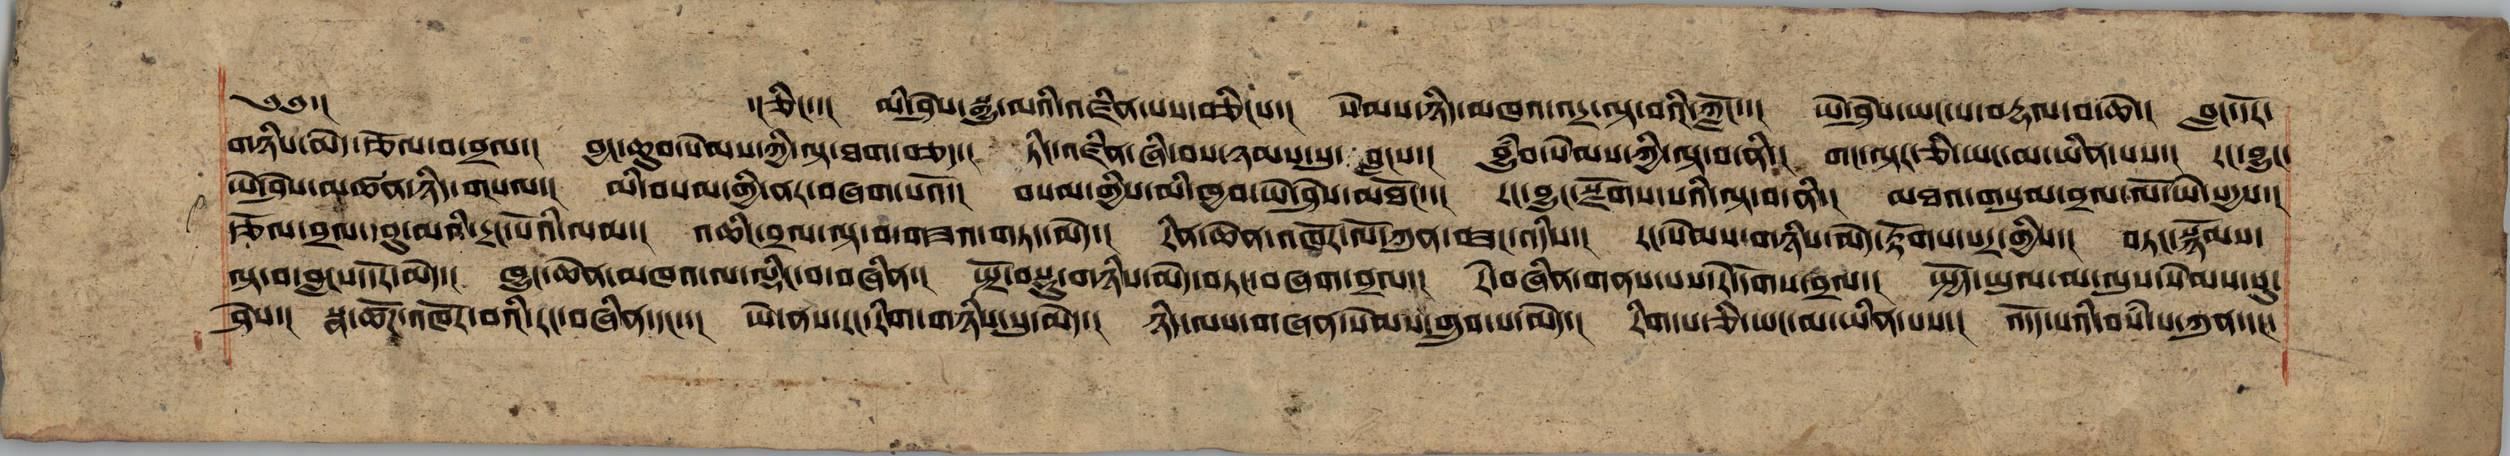༄༅་། ་།ཅིང་་། མི་ཤེས་སྒྱུ་མའི་འཛིན་པས་བཅིངས་། སེམས་ཉིད་མཁའ་འདྲ་ལྟ་བའི་ཀློང་་། ཡེ་ཤེས་ཡང་པ་བརྡལ་བ་ཆེ་། བླང་དོར་
གཉིས་མེད་རྩོལ་བ་བྲལ་། བྱང་ཆུབ་སེམས་ཀྱི་ལྟ་ཐག་བཅད་། ཏིང་འཛིན་ཞི་བས་ཉམས་སུ་བླངས་། བྱུཾབ་སེམས་ཀྱི་ལྟ་བ་ནི་། གང་ལྟར་ཅི་ཡང་མ་ཡིན་པས་། རང་བྱུང་
ཡེ་ཤེས་མཚན་ཉིད་གསལ་། མི་བསམ་གྱི་ནར་བཞག་པའོ་། བསམ་གྱིས་མི་ཁྱབ་ཡེ་ཤེས་མཐོང་་། རང་བྱུང་སྫོགས་པའི་ལྟ་བ་ནི་། མཐའ་གསུམ་བྲལ་ལོ་ཡེ་སདྱས་།
རྩོལ་བྲལ་དབུ་མའི་དྲང་པོའི་ལམ་། འཆིང་བྲལ་ལྟ་བ་གཟའ་གཏད་མེད་། རིནཆེན་འཁོར་ལོ་ཀུན་བཟང་འདིས་། རང་སེམས་གཉིས་མེད་རྟོགས་པར་གྱིས་། བཏང་སྙོམས་
ལྟ་བ་བླངས་དོར་མེད་། ཁྱུང་ཆེན་མཁའ་ལ་ལྡིང་བ་བཞིན་། སྤྲོ་བསྡུ་གཉིས་མེད་བཏང་བཞག་བྲལ་། རེ་བཞིན་གནས་པས་རེ་དོགས་བྲལ་། སྤྱོད་ཡུལ་མ་ལུས་སེམས་སུ་
ཤེས་། སྣ་ཚོཌའཁོར་བའི་རང་བཞིན་དང་། ཡེ་ནས་རང་རིག་གཉིས་སུ་མེད་། ཉིད་ལས་གཞན་སེམས་གྲུབ་པ་མེད་། རིག་པ་ཅི་ཡང་མ་ཡིན་པས་། འདོད་པའི་བསཾ་པ་ཀུན་དང་